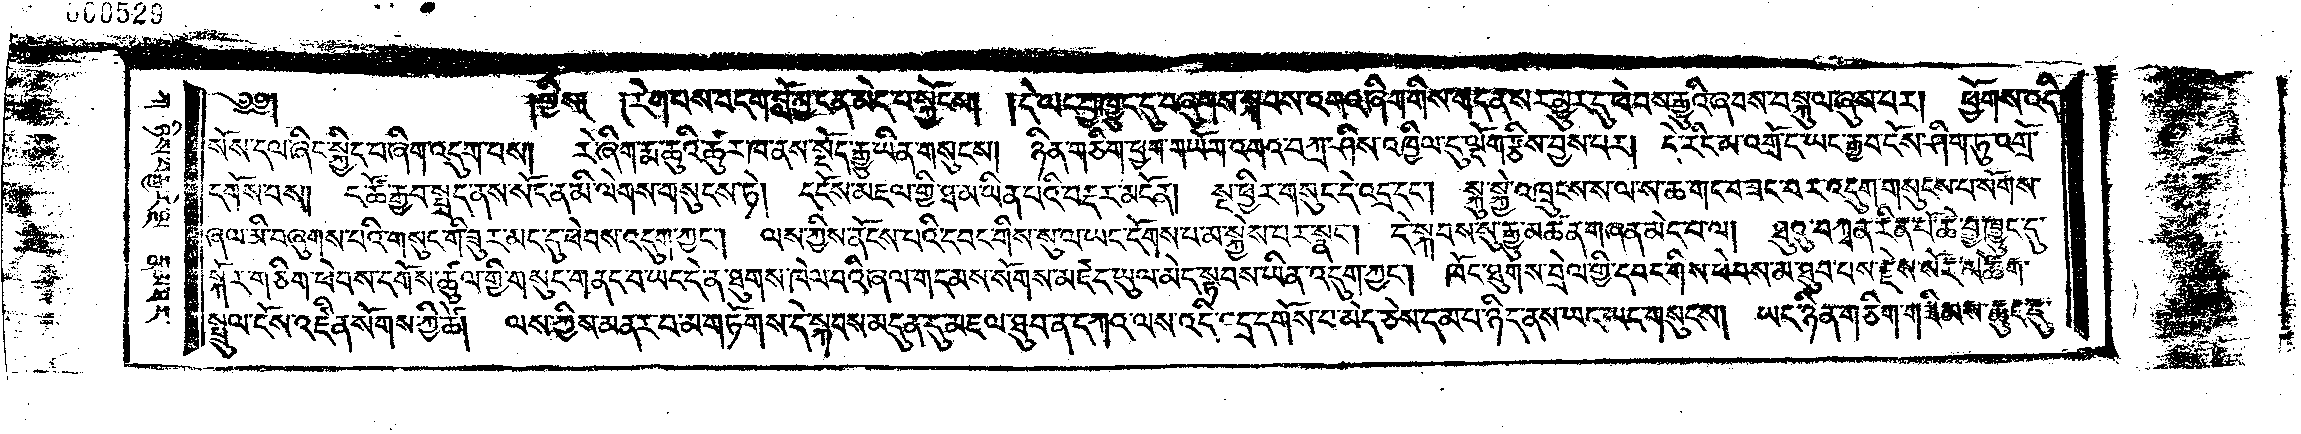༄༅། །གྱིས༑ ༑རེག་པས་བདག་བློ་མྱ་ངན་མེད་པ་སྐྱོངས། །དེ་ཡང་བྱ་ཁྱུང་དུ་བཞུགས་སྐབས་འགའ་ཞིག་གིས་གདན་སར་མྱུར་དུ་ཕེབས་རྒྱུའི་ཞབས་བསྐུལ་ཞུས་པར། ཕྱོགས་འདི་
སོས་དལ་ཞིང་སྐྱིད་པ་ཞིག་འདུག་པས། རེ་ཞིག་རྨ་ཆུའི་ཚུར་ཁ་ནས་སྡོད་རྒྱུ་ཡིན་གསུངས། ཉིན་གཅིག་ཕྱག་གཡོག་འགའ་བཀྲ་ཤིས་འཁྱིལ་དུ་ལྡོག་རྩིས་བྱས་པར། དེ་རིང་མ་འགྲོ་ང་ཡང་རྒྱབ་ངོས་ཤིག་ཏུ་འགྲོ་
དགོས་བས། ང་ཚོ་རྒྱབ་སྦྲད་ནས་སོང་ན་མི་ལེགས་གསུངས་ཏེ། དངོས་མཇལ་གྱི་ཐ་མ་ཡིན་པའི་བརྡར་མངོན། སྔ་ཕྱིར་གསུང་དེ་འདྲ་དང་། སྐུ་སྐྱེ་འཁྲུངས་ས་ལས་ཆ་གང་བཟང་བར་འདུག་གསུངས་པ་སོགས་
ཞལ་མི་བཞུགས་པའི་གསུང་གི་ཟུར་མང་དུ་ཕེབས་འདུག་ཀྱང་། ལས་ཀྱིས་ནོངས་པའི་དབང་གིས་སུ་ལ་ཡང་དོགས་པ་མ་སྐྱེས་པར་སྣང་། དེ་སྐབས་སུ་རྒྱུ་མཚན་གཞན་མེད་པ་ལ། ཐུའུ་བཀྭན་རིན་པོ་ཆེ་བྱ་ཁྱུང་དུ་
སྐོར་གཅིག་ཕེབས་དགོས་ཚུལ་གྱི་གསུང་གནང་བ་ཡང་དེ་ན་ཐུགས་ཁེལ་བའི་ཞལ་གདམས་སོགས་མཛད་ཡུལ་མེད་སྟབས་ཡིན་འདུག་ཀྱང་། ཁོང་ཐུགས་བྲེལ་གྱི་དབང་གིས་ཕེབས་མ་ཐུབ་པས་རྗེས་སོར་མཆོག་
སྦྲུལ་ངོས་འཛིན་སོགས་ཀྱི་ཚེ། ལས་ཀྱིས་མནར་བ་མ་གཏོགས་དེ་སྐབས་མདུན་དུ་མཇལ་ཐུབ་ན་དཀའ་ལས་འདི་འདྲ་དགོས་པ་མེད་ཅེས་དམ་པ་ཉིད་ནས་ཡང་ཡང་གསུངས། ཡང་ཉིན་གཅིག་གཟིམས་ཆུང་དུ་